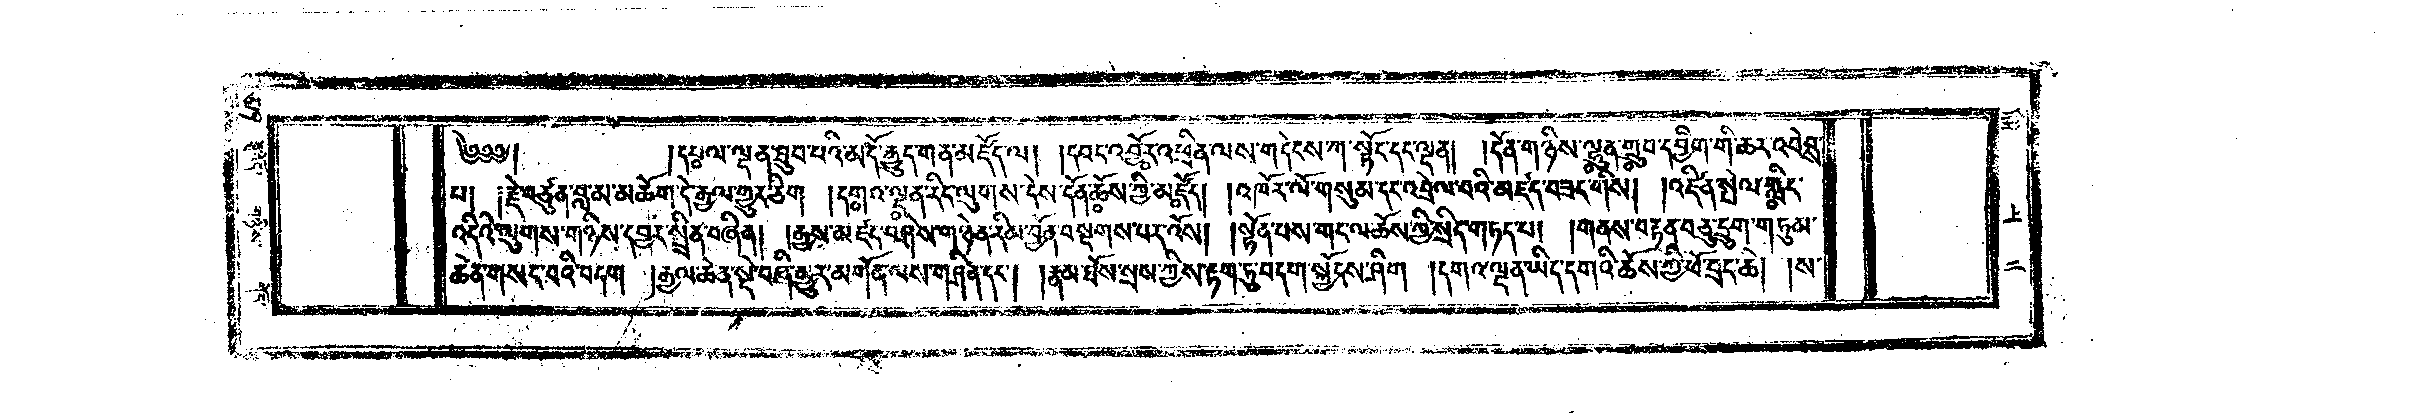༄༅༅། །དཔལ་ལྡན་ཐུབ་པའི་མདོ་རྒྱུད་གན་མཛོད་ལ། །དབང་འབྱོར་འཕྲིན་ལས་གདེངས་ཀ་སྟོང་དང་ལྡན། །དོན་གཉིས་ལྷུན་གྲུབ་དབྱིག་གི་ཆར་འབེབས་
པ། །རྗེ་བཙུན་བླ་མ་མཆོག་དེ་རྒྱལ་གྱུར་ཅིག །དགའ་ལྡན་རིང་ལུགས་དེས་དོན་ཆོས་ཀྱི་མཛོད། །འཁོར་ལོ་གསུམ་དང་འབྲེལ་བའི་མཛད་བཟང་གིས། །འཛིན་སྤེལ་གླིང་
འདིའི་ལུགས་གཉིས་དབྱར་སྤྲིན་བཞིན། །རྒྱས་མཛད་བཤེས་གཉེན་རིམ་བྱོན་བསྔགས་པར་འོས། །སྟོན་པས་གང་ལ་ཆོས་ཀྱི་སྲིད་གཏད་པ། །གནས་བརྟན་བཅུ་དྲུག་གཏུམ་
ཆེན་གསང་བའི་བདག །རྒྱལ་ཆེན་སྡེ་བཞི་མྱུར་མགོན་ལས་གཤིན་དང་། །རྣམ་ཐོས་སྲས་ཀྱིས་རྟག་ཏུ་བདག་སྐྱོངས་ཤིག །དགའ་ལྡན་ཡིད་དགའི་ཆོས་ཀྱི་ཕོ་བྲང་ཆེ། །ས་